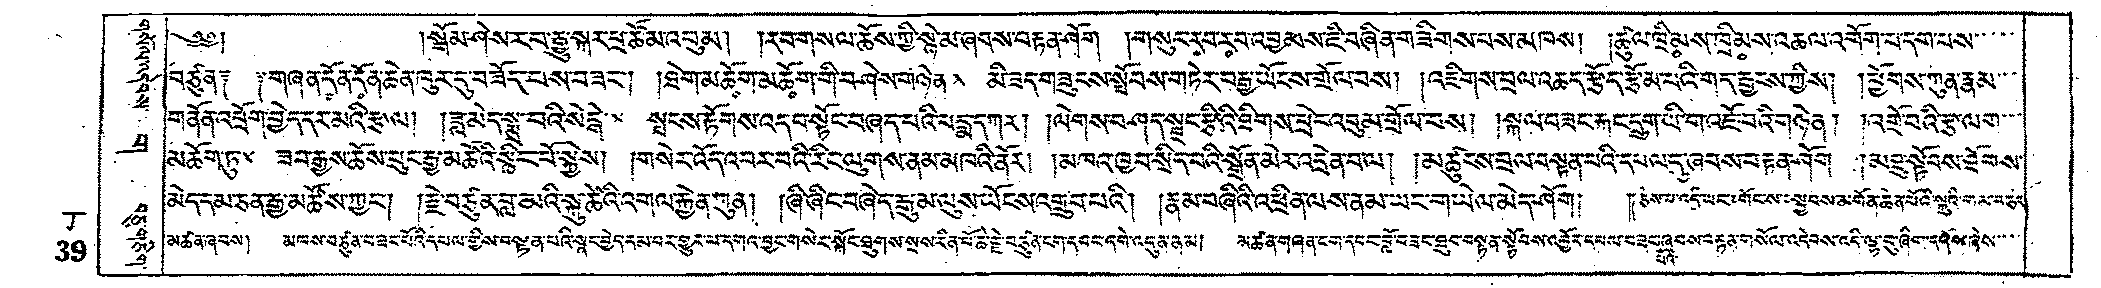༄༅། །སྒོམ་ཤེས་རབ་རྒྱུ་སྐར་ཕྲ་ཚོམ་འབུམ། །རབ་གསལ་ཆོས་ཀྱི་སྙེ་མ་ཞབས་བརྟན་ཤོག །གསུང་རབ་རབ་འབྱམས་ཇི་བཞིན་གཟིགས་པས་མཁས། །ཚུལ་ཁྲིམས་འཆལ་འགོག་པ་དག་པས་་་
བཙུན༑ ༑གཞན་དོན་དོན་ཆེན་ཁུར་དུ་བཟོད་པས་བཟང་། །ཐེག་མཆོག་མཆོག་གི་བཤེས་གཉེན་྾་མི་ཟད་གསུངས་སྤོབས་གཏེར་བརྒྱ་ཡོངས་གྲོལ་བས། །འཇིགས་བྲལ་འཆད་རྩོད་རྩོམ་པའི་གད་རྒྱངས་ཀྱིས། །ཕྱོགས་ཀུན་རྣམ་་་
གནོན་འཕྲོག་བྱེད་དར་མའི་མའི་རྩལ། །ཟླ་མེད་སྨྲ་བའི་སེངྒེ་྾་སྤངས་རྟོགས་འདབ་སྟོང་བཞད་པའི་པདམ་དཀར། །ལེགས་བཤས་སྦྲང་རྩིའི་ཐིགས་སྥྲེང་འབུམ་གྲོལ་བས། །སྐལ་བཟང་དྲུག་ཡི་ག་འཇོ་བའི་གཉེན། །འགྲོ་བའི་རྩ་ལག་་་
མཆོག་ཏུ་྾་ཟབ་རྒྱས་ཆོས་ཕུང་རྒྱ་མཚོའི་སྙིང་པོ་སྐྱེས། །གསེར་འོད་འབར་བའི་རིང་ལུགས་ནམ་མཁའི་ནོར། །མཁའ་ཁྱབ་སྲིད་པའི་སྒྲོན་མེར་འདྲེན་པ་ལ། །མཚུངས་བྲལ་བསྟན་པའི་དཔལ་དུ་ཞབས་བརྟན་ཤོག །མཐུ་སྟོབས་ཐོགས་
མེད་དམ་ཅན་རྒྱ་མཚོས་ཀྱང་། །རྗེ་བཙུན་བླ་མའི་སྐུ་ཚེའི་འགལ་རྐྱེན་ཀུན། །ཞི་ཞིང་བཞེད་རྒུ་མ་ལུས་ཡོངས་འགྲུབ་པའི། །རྣམ་བཞིའི་འཕྲིན་ལས་ནམ་ཡང་གཡེལ་མེད་ཤོག ། །།ཅེས་པ་འདི་ཡང ༧གོང་ས ༧སྐྱབས་མགོན་ཆེན་པོའི་སྐུའི་གམ་བཅར་
མཚན་ཞབས། མཁས་བཙུན་བཟང་པོའི་དཔལ་གྱིས་བསྟན་པའི་སྣང་བྱེད་དམ་པར་གྱུར་པ་དགའ་བྱང་གསེར་སྐོང་ཐུགས་སྲས་རིན་པོ་ཆེ་རྗེ་བཙུན་ངག་དབང་དགེ་འདུན་ནམ། མཚན་གཞན་ངག་དབང་བློ་བཟང་ཐུབ་བསྟན་སྟོབས་འབྱོར་དཔལ་བཟང་པོའི་ཞབས་བརྟན་གསོལ་འདེབས་འདི་ལྟ་བུ་ཞིག་དགོས་ཞེས་་་